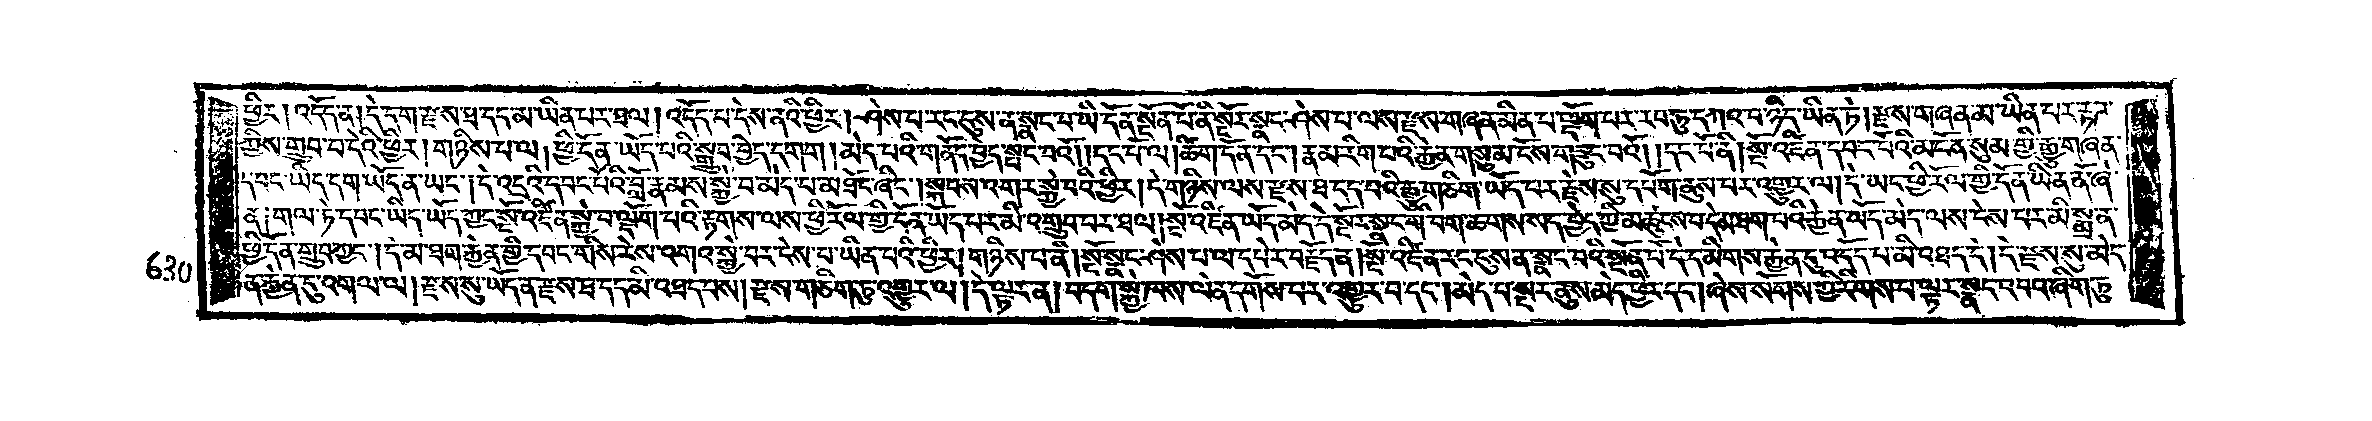ཕྱིར། འདོད་ན། དེ་དག་རྫས་ཐ་དད་མ་ཡིན་པར་ཐལ། འདོད་པ་དེས་ནའི་ཕྱིར། ཤེས་པ་རང་དུས་ན་སྣང་བ་ཡི་དོན་སྔོན་པོ་ནི་སྔོར་སྣང་ཤེས་པ་ལས་རྫས་གཞན་མིན་པ་ལྡོག་པར་རབ་ཏུ་དཀའ་བ་ཉིད་ཡིན་ཏེ། རྫས་གཞན་མ་ཡིན་པར་རྟཌ་
ཀྱིས་གྲུབ་པ་དེའི་ཕྱིར། གཉིས་པ་ལ། ཕྱི་དོན་ཡོད་པའི་སྒྲུབ་བྱེད་དགག །མེད་པའི་གནོད་བྱེད་སྤང་བའོ། །དང་པོ་ལ། ཚིག་དོན་དང་། རྣམ་རིག་པའི་རྐྱེན་གསུམ་ངོས་གཟུང་བའོ། །དང་པོ་ནི། སྔོ་འཛིན་དབང་པོའི་མངོན་སུམ་གྱི་རྒྱུ་གཞན་
དབང་ཡིད་དག་ཡོད་ན་ཡང་། དེ་འདྲའི་དབང་པོའི་བློ་རྣམས་སྐྱེ་བ་མེད་པ་མཐོང་ཞིང་། སྐབས་འགར་སྐྱེ་བའི་ཕྱིར། དེ་གཉིས་ལས་རྫས་ཐ་དད་པའི་རྒྱུ་གཅིག་ཡོད་པར་རྗེས་སུ་དཔོག་ནུས་པར་འགྱུར་ལ། དེ་ཡང་ཕྱི་རོལ་གྱི་དོན་ཡིན་ནོ་ཞེ་
ན༑ གལ་ཏེ་དབང་ཡིད་ཡོད་ཀྱང་སྔོ་འཛིན་སྐྱེ་བ་ལྡོག་པའི་རྟགས་ལས་ཕྱི་རོལ་གྱི་དོན་ཡོད་པར་མི་འགྲུབ་པར་ཐལ། སྔོ་འཛིན་ཡོད་མེད་དེ་སྔོར་སྣང་གི་བག་ཆགས་སད་བྱེད་ཀྱི་མཚུངས་པ་དེ་མ་ཐག་པའི་རྐྱེན་ཡོད་མེད་ལས་ངེས་པར་མི་སྨྲ་ན་
ཕྱི་དོན་གྲུབ་ཀྱང་། དེ་མ་ཐག་རྐྱེན་གྱི་དབང་གིས་རེས་འགའ་སྐྱེ་བར་ངེས་པ་ཡིན་པའི་ཕྱིར། གཉིས་པ་ནི། སྔོ་སྣང་ཤེས་པ་ལ་དཔེར་བརྗོད་ན། སྔོ་འཛིན་རང་དུས་ན་སྣང་བའི་སྔོན་པོ་དེ་དམིགས་རྐྱེན་དུ་འདོད་པ་མི་འཐད་དེ། དེ་རྫས་སུ་མེད་
ན་རྐྱེན་དུ་འགལ་ལ། རྫས་སུ་ཡོད་ན་རྫས་ཐ་དད་མི་འཐད་པས། རྫས་གཅིག་ཏུ་འགྱུར་ལ། དེ་ལྟར་ན། བདག་སྐྱེ་ཁས་ལེན་དགོས་པར་འགྱུར་བ་དང་། མེད་པ་སྔར་ནུས་མེད་ཕྱིར་དང་། ཞེས་སོགས་ཀྱི་རིགས་པ་ལྟར་སྣང་འབའ་ཞིག་ཏུ་